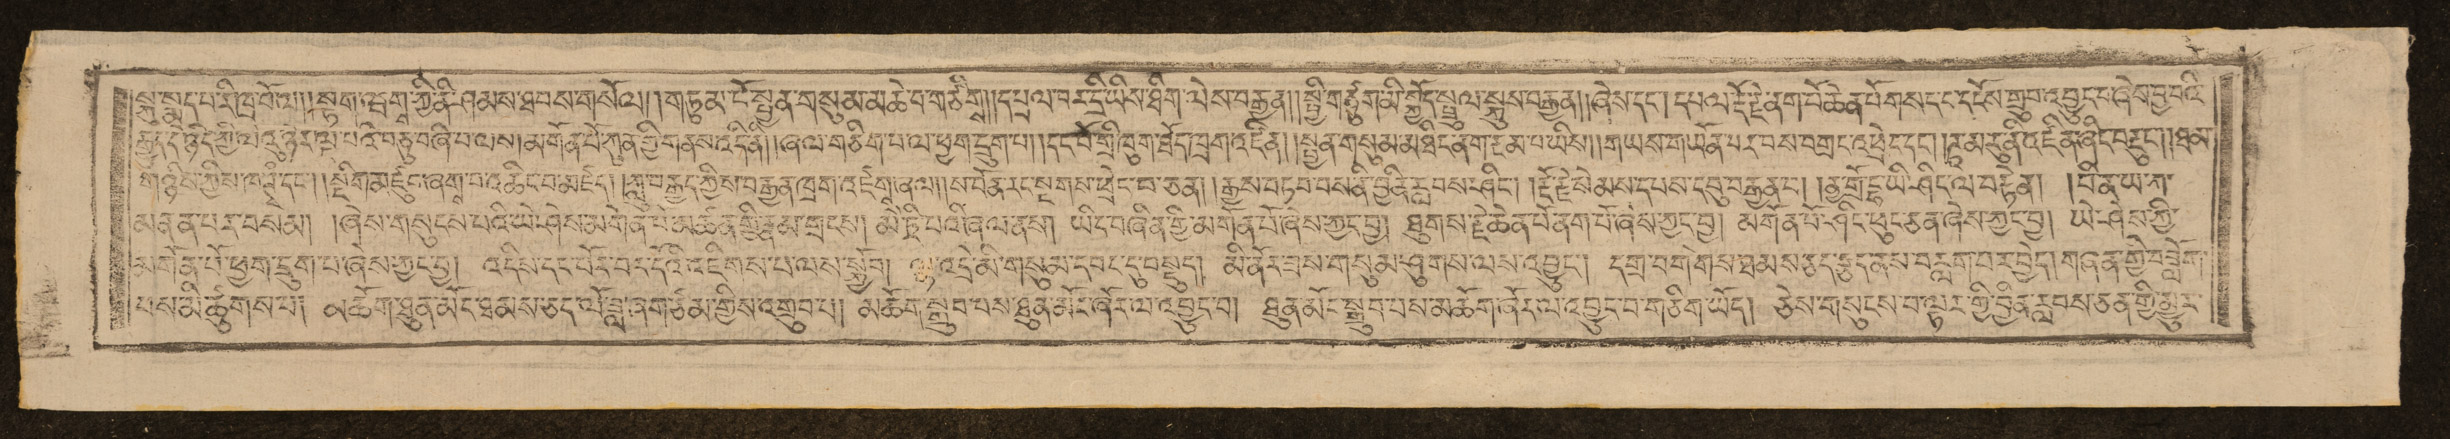སྐུ་སྨད་པ་རི་ཁྲ་བོ་ལ། །སྟག་ཝ་གྭ་ཀྱི་ནི་ཤམས་ཐབས་གསོལ། །གཏུམ་པོ་སྤྱན་གསུམ་མཆེ་བ་གཙིགས། །དཔྲལ་བར་དྲི་ཡིས་ཐིག་ལེས་བརྒྱན། །སྤྱི་གཙུག་མི་སྐྱོད་སྦུལ་སྐུས་བརྒྱན། །ཞེས་དང་། དཔལ་རྡོ་རྗེ་ནག་པོ་ཆེན་པོ་གསད་པ་དངོས་གྲུབ་འབྱུང་བ་ཞེས་བྱ་བའི་
རྒྱུད་དེ་ཉིད་ཀྱི་ལེའུ་ཉེར་ལྔ་པའི་བཅུ་བཞི་པ་ལས། མགོན་པོ་ཀུན་གྱི་གནས་འདི་ནི། ཞལ་གཅིག་པ་ལ་ཕྱག་དྲུག་པ། །དང་པོ་གྲི་ཁུག་ཐོད་ཁྲག་འཛིན། །སྤྱན་གསུམ་མཐིང་ནག་རྔམ་པ་ཡིས། །གཡས་གཡོན་པར་བས་བགྲང་འཕྲེང་དང་། །ཌཱ་མ་དུ་ནི་འཛིན་ཞིང་བརྡུང་། །ཐམ་
གཉིས་ཀྱིས་ཁ་ཊྭཾ་དང་། །སྡིག་མཛུག་ཞགས་པ་འཆིང་བ་མཛད། །རླུ་བརྒྱད་ཀྱིས་བརྒྱན་ཁྲག་འཇིགས་ཞལ། །ས་པོན་རང་སྔགས་ཕྲེང་བ་ཅན། །རྒྱས་བཏབ་བས་ནི་བྱིན་རླབས་ཤིང་། །རྡོ་རྗེ་སེམས་དཔས་དབུ་བརྒྱན་བ། །ནྱ་གྲོ་དྷ་ཡི་ཤིང་ལ་བརྟེན། །བི་ན་ཡ་ཀ་
མནན་པར་བསམ། །ཞེས་གསུངས་པའི་ཡེ་ཤེས་མགོན་པོ་མཚན་གྱི་རྣམ་གྲངས། མེ་ཏྲི་པའི་ཞལ་ནས། ཡིད་བཞིན་གྱི་མགོན་པོ་ཞེས་ཀྱང་བྱ། ཐུགས་རྗེ་ཆེན་པོ་ནག་པོ་ཞེས་ཀྱང་བྱ། མགོན་པོ་ཤིང་ཕུང་ཅན་ཞེས་ཀྱང་བྱ། ཡེ་ཤེས་ཀྱི་
མགོན་པོ་ཕྱག་དྲུག་པ་ཞེས་ཀྱང་བྱ། འདིས་དང་པོར་བར་དོའི་འཇིགས་པ་ལས་སྐྱོབ། ལྷ་འདྲེ་མི་གསུམ་དབང་དུ་བསྡུད། མི་ནོར་ཟས་གསུམ་ཤུགས་ལས་འབྱུང་། དགྲ་བགེགས་ཐམས་ཅད་རྩད་ནས་བརླག་པར་བྱེད། གཞན་གྱི་བཟློག་
པས་མི་ཚུགས་པ། མཆོག་ཐུན་མོང་ཐམས་ཅད་ལོ་ཟླ་ནག་ཙམ་གྱིས་འགྲུབ་པ། མཆོག་སྒྲུབ་པས་ཐུན་མོང་ཞོར་ལ་འབྱུང་བ། ཐུན་མོང་སྒྲུབ་པས་མཆོག་ཞོར་ལ་འབྱུང་བ་གཅིག་ཡོད། ཅེས་གསུངས་པ་ལྟར་གྱི་བྱིན་རླབས་ཅན་གྱི་རྒྱུར་